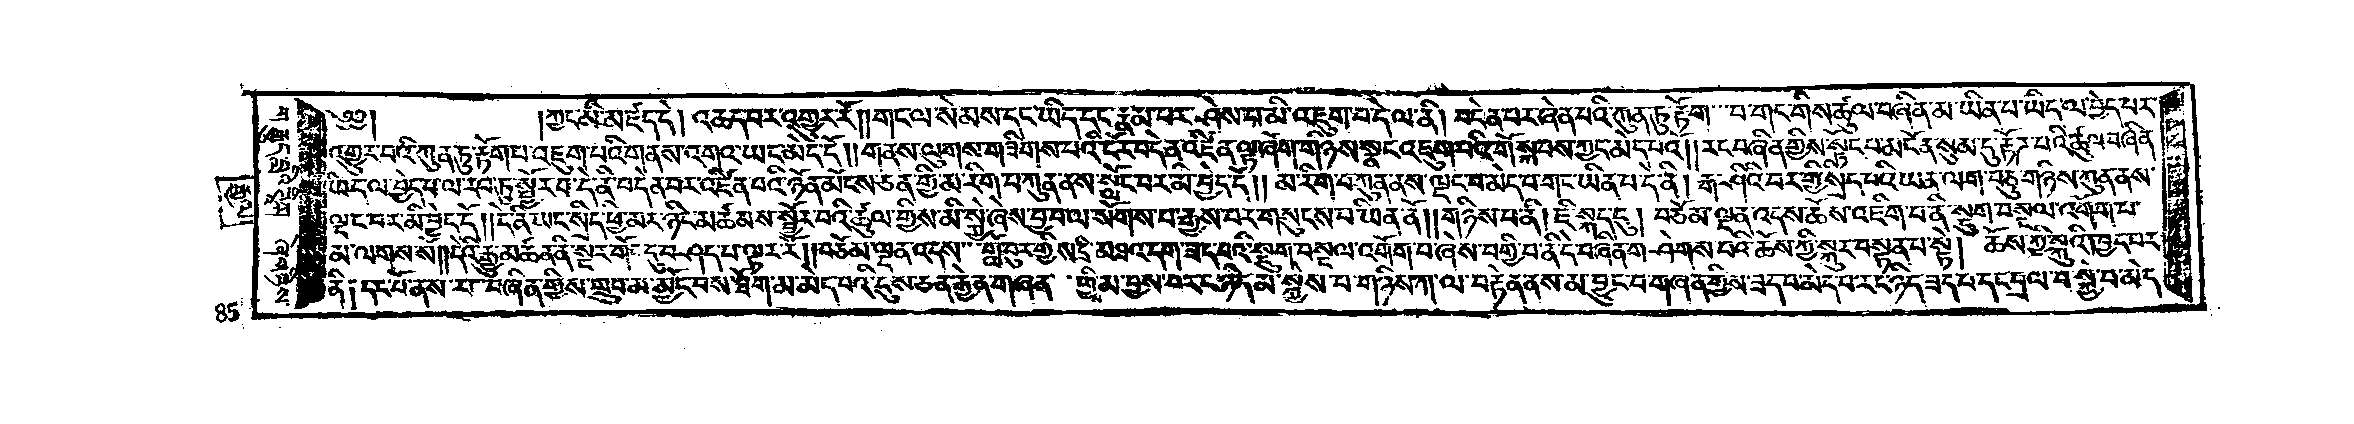༄༅། །ཀྱང་མི་མཛད་དེ། འཆད་པར་འགྱུར་རོ། །གང་ལ་སེམས་དང་ཡིད་དང་རྣམ་པར་ཤེས་པ་མི་འཇུག་པ་དེ་ལ་ནི། བདེན་པར་ཞེན་པའི་ཀུན་ཏུ་རྟོག་པ་གང་གིས་ཚུལ་བཞིན་མ་ཡིན་པ་ཡིད་ལ་བྱེད་པར་
འགྱུར་བའི་ཀུན་ཏུ་རྟོག་པ་འཇུག་པའི་གནས་འགའ་ཡང་མེད་དོ། །གནས་ལུགས་གཟིགས་པའི་ངོར་བདེན་འཛིན་ལྟ་ཞོག་གཉིས་སྣང་འཇུག་པའི་གོ་སྐབས་ཀྱང་མེད་པའོ། །རང་བཞིན་གྱིས་སྟོང་པ་མངོན་སུམ་དུ་རྟོགས་པའི་ཚུལ་བཞིན་
ཡིད་ལ་བྱེད་པ་ལ་རབ་ཏུ་སྦྱོར་བ་དེ་ནི་བདེན་པར་འཛིན་པའི་ཉོན་མོངས་ཅན་གྱི་མ་རིག་པ་ཀུན་ནས་སློང་བར་མི་བྱེད་དོ། །མ་རིག་པ་ཀུན་ནས་ལྡང་བ་མེད་པ་གང་ཡིན་པ་དེ་ནི། རྒ་ཤིའི་བར་གྱི་སྲིད་པའི་ཡན་ལག་བཅུ་གཉིས་ཀུན་ནས་
ལྡང་བར་མི་བྱེད་དོ། །དེ་ནི་ཡང་སྲིད་ཕྱི་མར་ཉིད་མཚམས་སྦྱོར་བའི་ཚུལ་གྱིས་མི་སྐྱེ་ཞིང་ཞེས་བྱ་བ་ལ་སོགས་པ་རྒྱས་པར་གསུངས་པ་ཡིན་ནོ། །གཉིས་པ་ནི། ཇི་སྐད་དུ། བཅོམ་ལྡན་འདས་ཆོས་འཇིག་པ་ནི་སྡུག་བསྔལ་འགོག་པ་
མ་ལགས་སོ། །དེའི་རྒྱུ་མཚན་ནི་སྔར་གོང་དུ་བཤད་པ་ལྟར་རོ། །བཅོམ་ལྡན་འདས་གློ་བུར་གྱིས་དྲི་མཐའ་དག་ཟད་པའི་སྡུག་བསྔལ་འགོག་པ་ཞེས་བགྱི་བ་ནི་དེ་བཞིན་གཤེགས་པའི་ཆོས་ཀྱི་སྐུར་བསྟན་པ་སྟེ། ཆོས་ཀྱི་སྐུའི་ཁྱད་པར་
ནི༑ དང་པོ་ནས་རང་བཞིན་གྱིས་གྲུབ་མ་མྱོང་བས་ཐོག་མ་མེད་པའི་དུས་ཅན་རྒྱེན་གཞན་གྱིས་མ་བྱས་པ་རང་ཉིད་མ་སྐྱེས་པ་གཉིས་ཀ་ལ་བརྟེན་ནས་མ་བྱུང་བ་གཞན་གྱིས་ཟད་པ་མེད་པ་རང་ཉིད་ཟད་པ་དང་བྲལ་བ་སྐྱེ་བ་མེད་